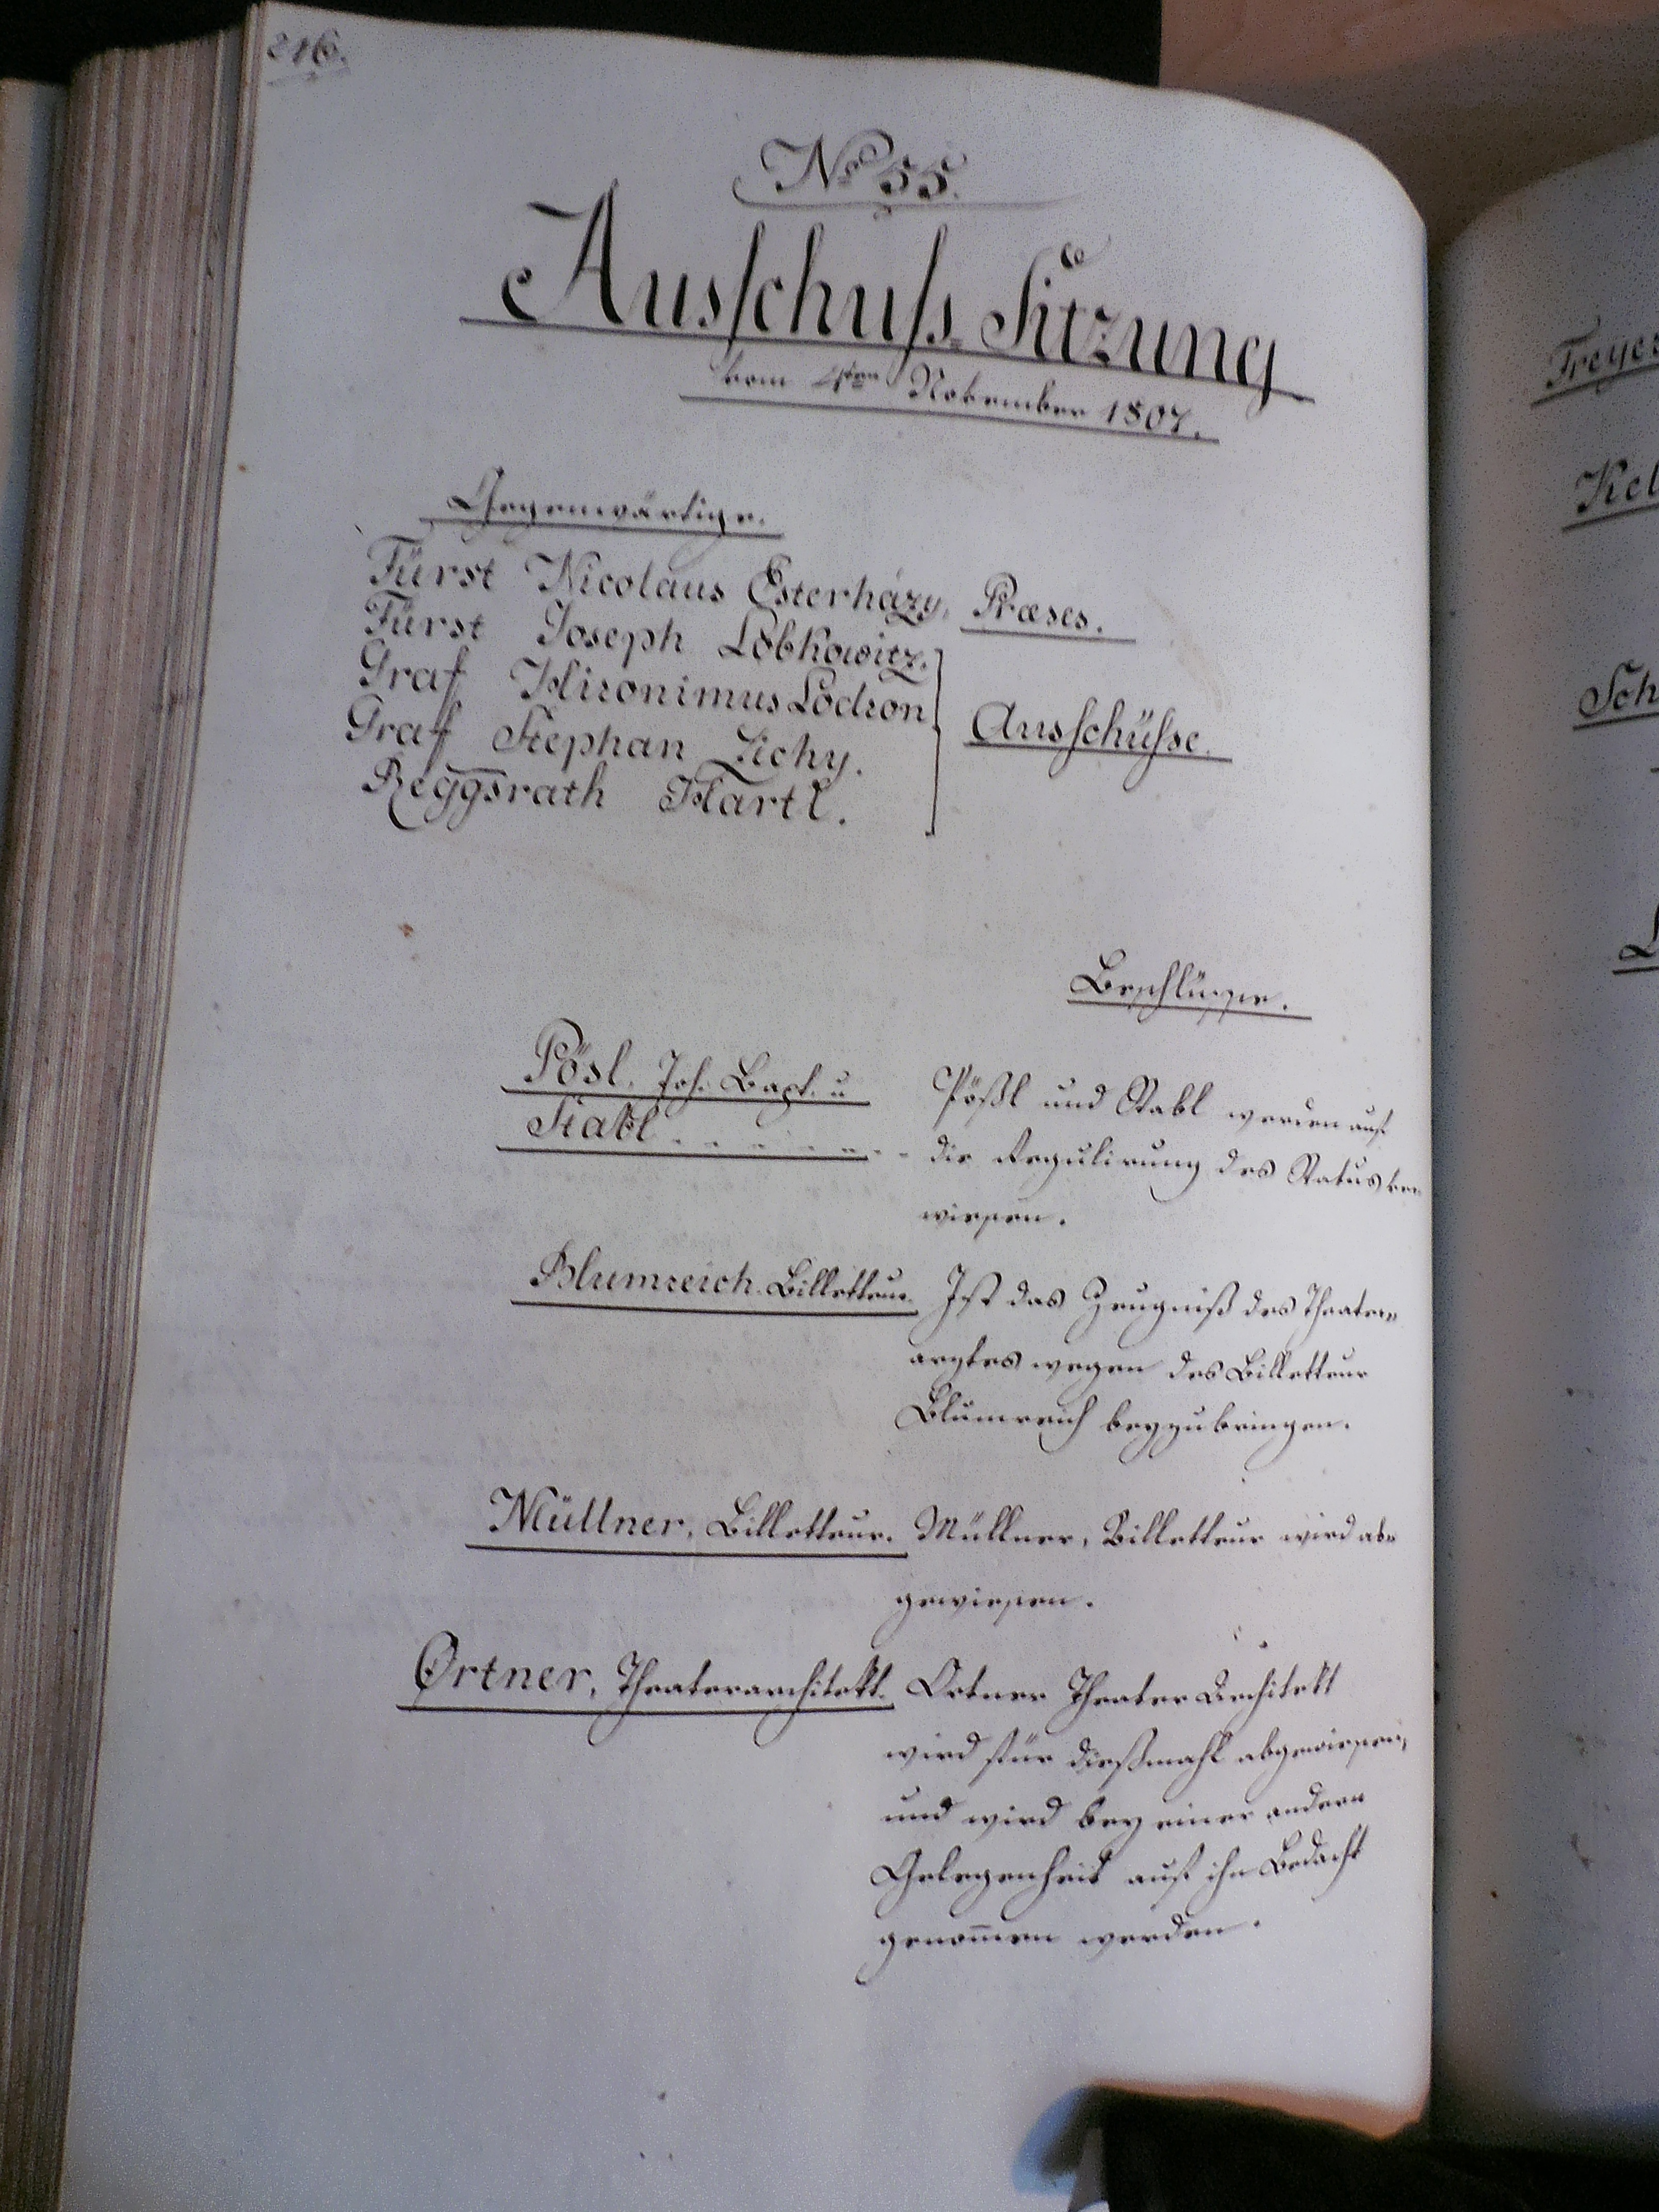216.
No͇ 55.
Ausschuss‗Sitzung
vom 4te͇n November 1807.
Gegenwärtige.
Fürst Nicolaus Esterházy, Præses.
Fürst Joseph Lobkowitz.
Graf Hironimus Lodron
Graf Stephan Zichy.
Reg͞gsrath Hartl.
Ausschüsse.
Beschlüsse.
Pösl, Joh. Bapt. u
Stabl . . . . ..
Pösl und Stabl werden auf
die Regulirung des Status ver¬
wiesen.
Blumreich. Billetteur. Ist das Zeugniß des Theater¬
arztes wegen des Billetteur
Blumreich beyzubringen.
Müllner, Billetteur. Müllner, Billetteur wird ab¬
gewiesen.
Ortner, Theaterarchitekt. Ortner Theater Architekt
wird für dießmahl abgewiesen,
und wird bey einer andern
Gelegenheit auf ihn Bedacht
genom̅en werden.